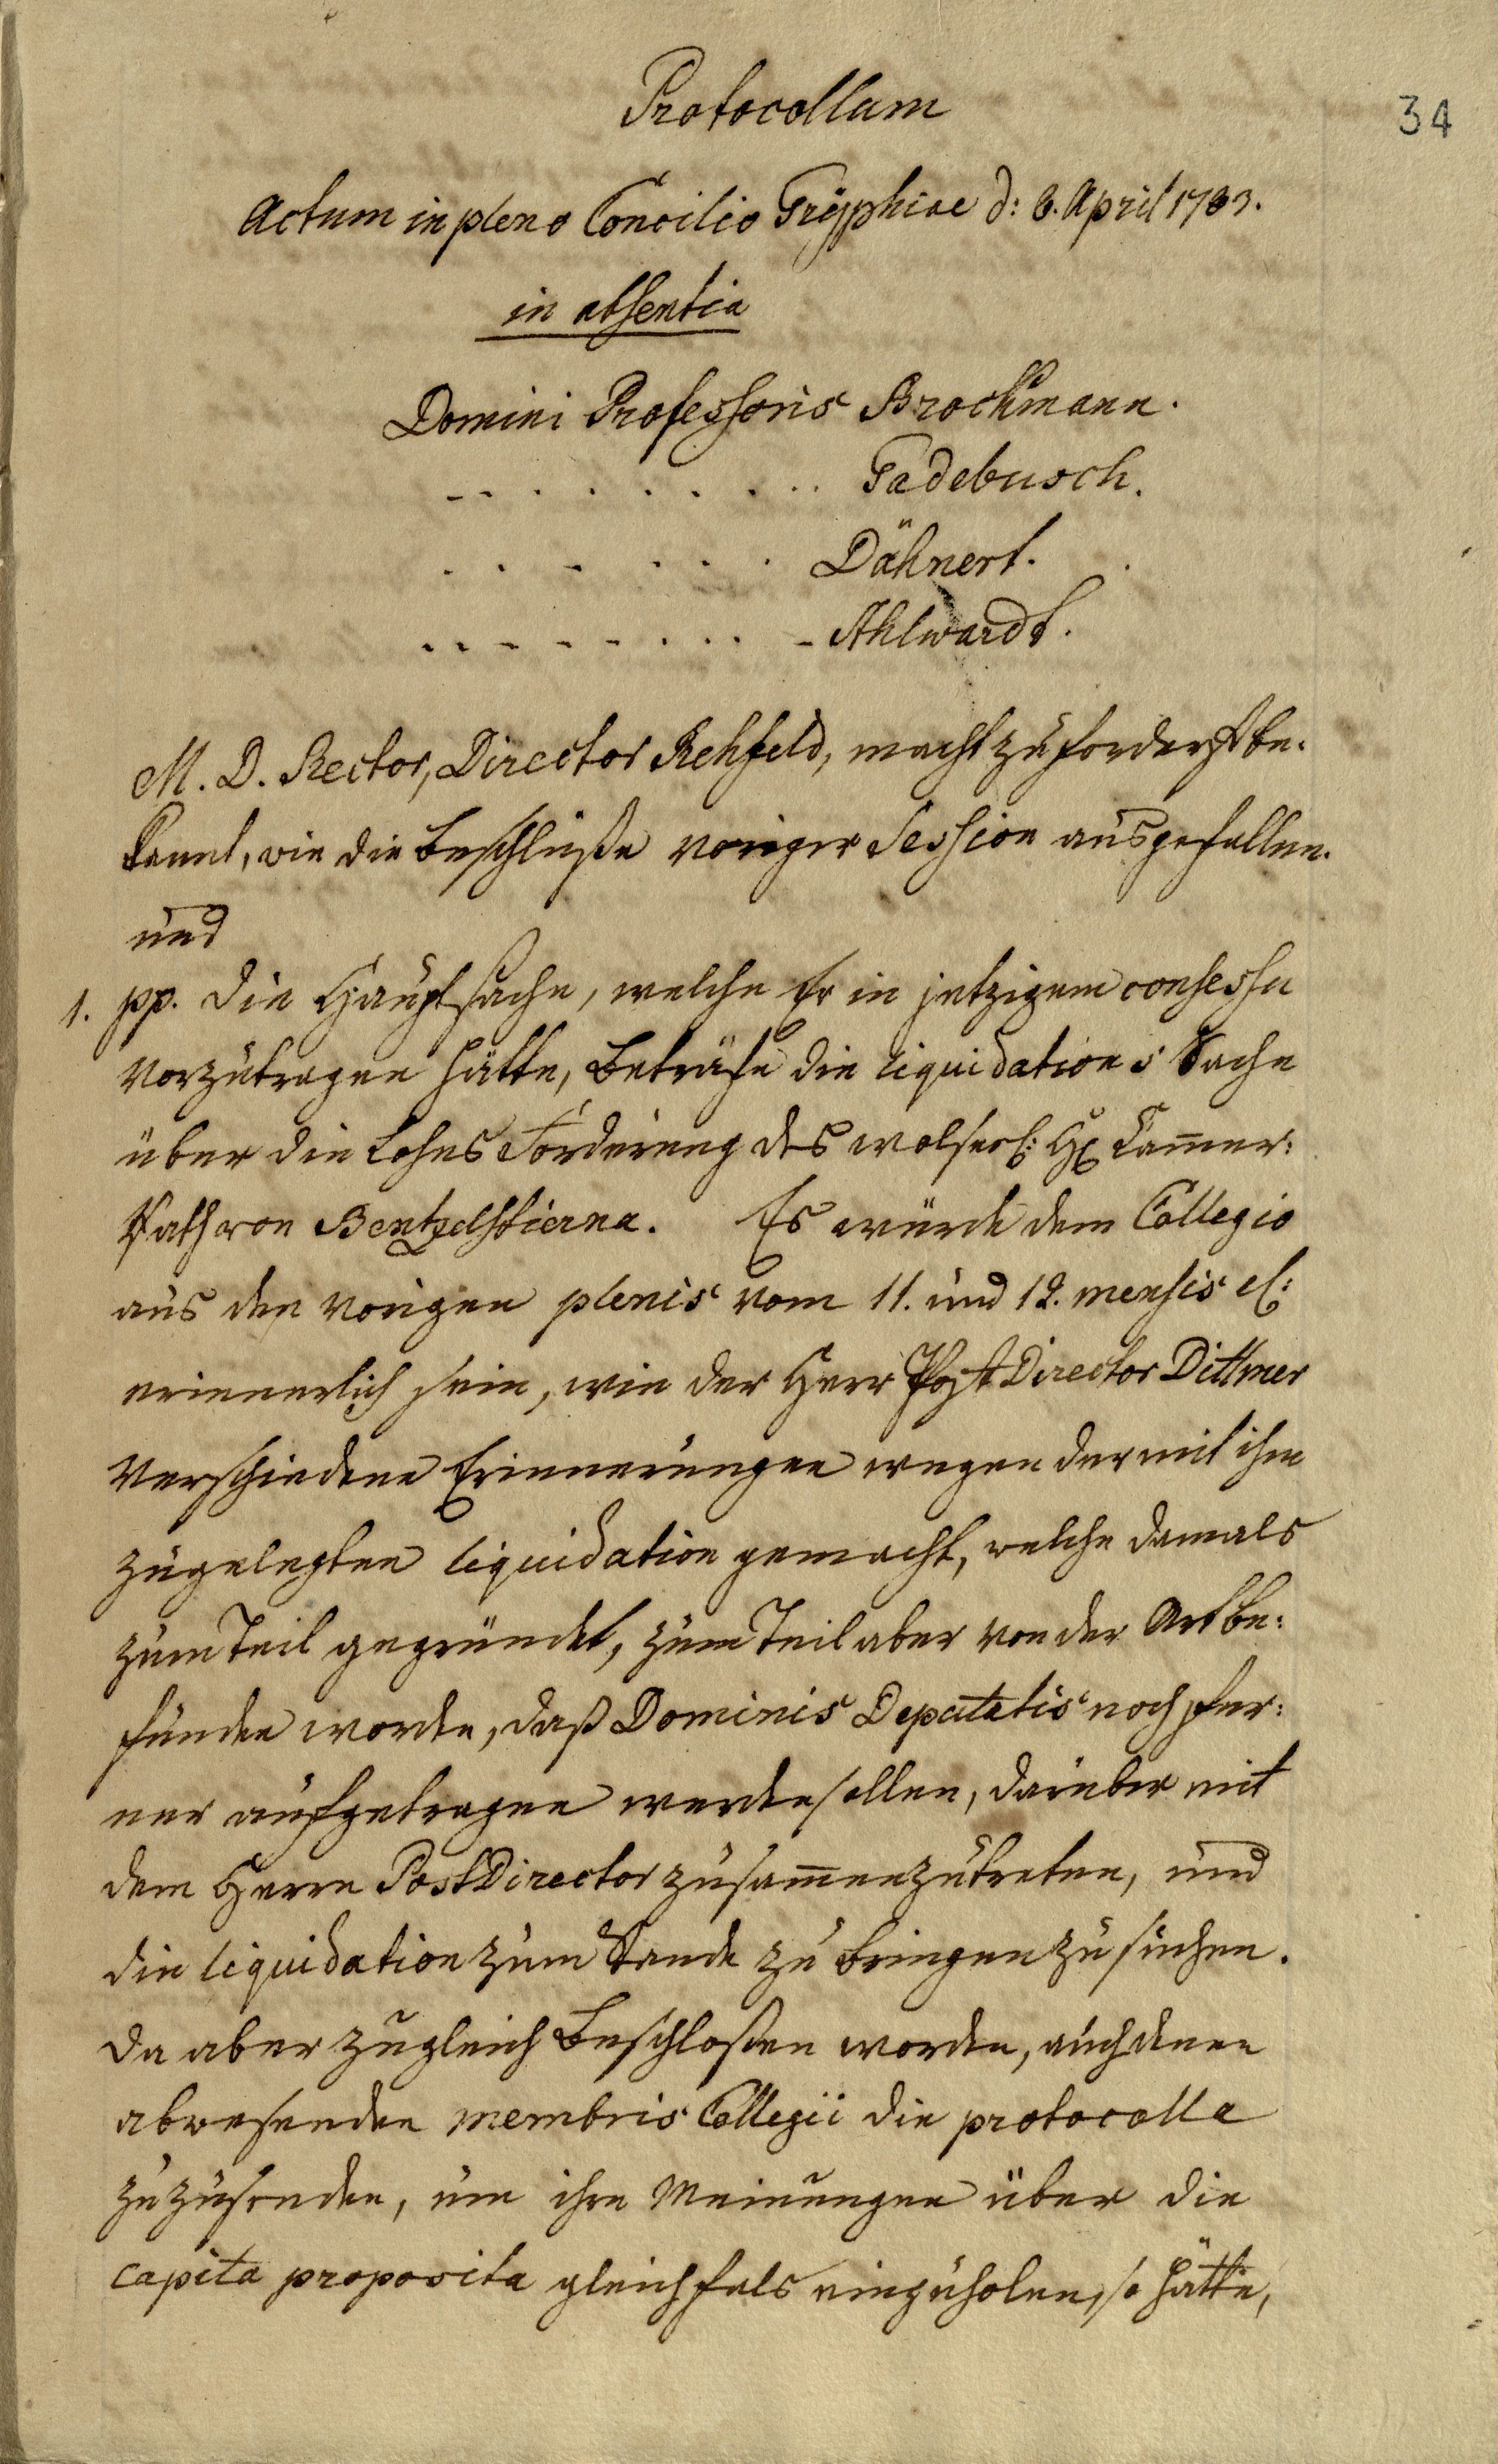Protocollum
Actum in pleno Concilio Grÿphiae d. 8. April 1783.
in absentia
Domini Professoris Brockmann
Gadebusch
Dähnert.
Ahlwardt.
M. D. Rector, Director Rehfeld, macht zu forderst be¬
kannt, wie die Beschlüße voriger Session ausgefallen
und
1. ppt. die Hauptsache, welche Er in jetzigem consessu
vorzutragen hätte, beträfe die liquidations Sache
über die Lohns Forderung des wolseel. H Camer¬
Rath von Bentzelstierna. Es würde dem Collegio
aus den vorigen plenis vom 11. und 12 mensis el.
erinnerlich sein, wie der Herr PostDirector Dittmer
verschiedene Erinnerungen wegen der mit ihm
zugelegten liquidation gemacht, welche damals
zum Tei gegründet, zum Teil aber von der Art be¬
funden worden, daß Domini Deputatis noch fer¬
ner aufgetragen werden sollen, darüber mit
dem Herrn PostDirector zusamenzutreten, und
die liquidation zum Stande zu bringen zu suchen.
Da aber zugleich beschloßen worden, auch denen
abwesenden membris Collegii die protocolla
zu zusenden, ein ihre Meinungen über die
Capita proposita gleichfals einzuholen, so hätte